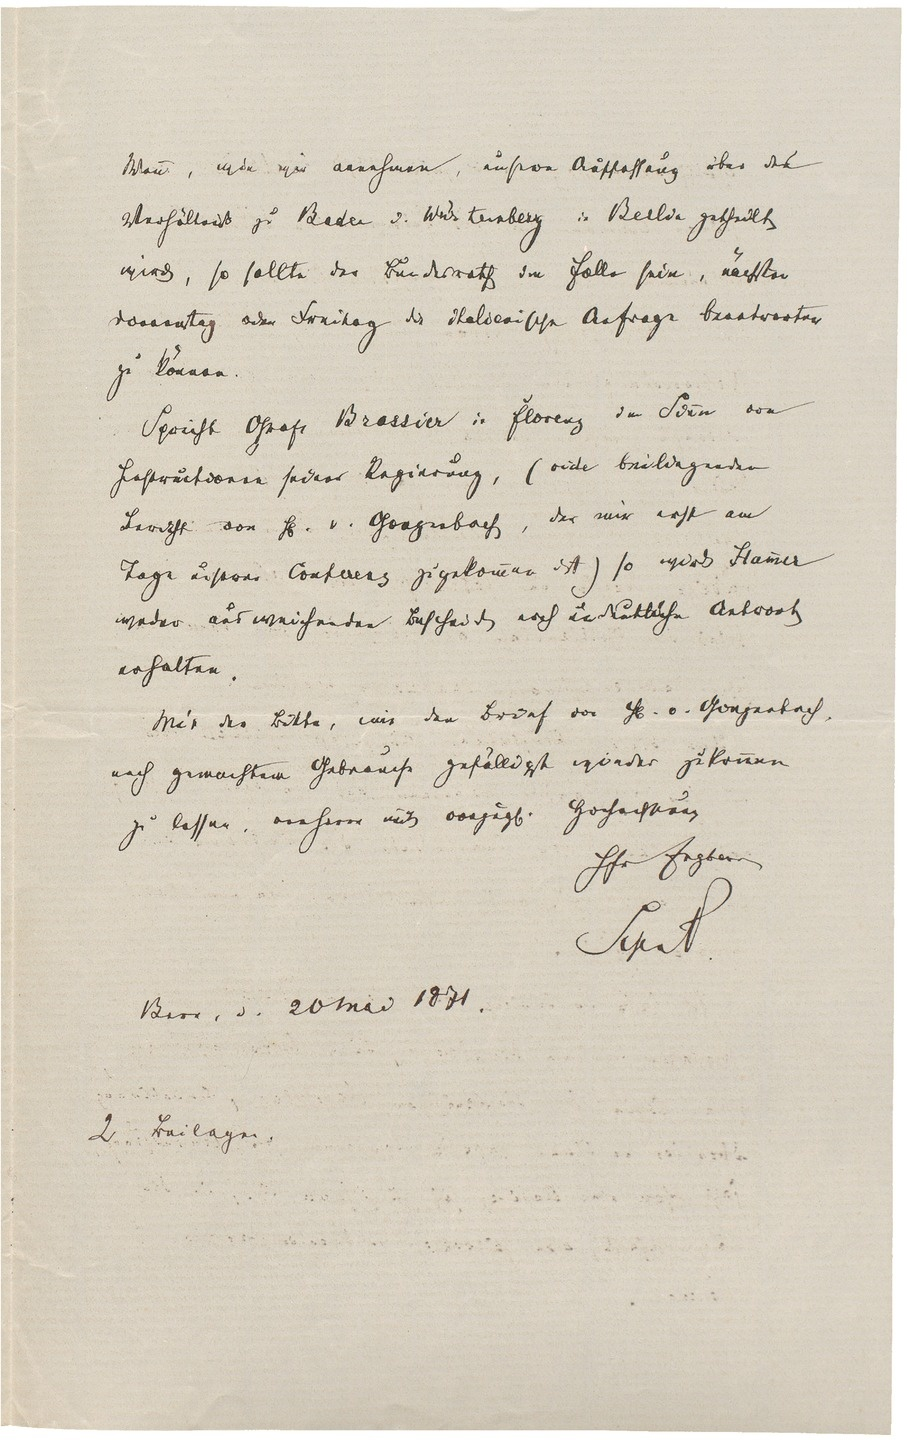Wenn, wie wir annehmen, unsere Auffassung über das
Verhältniß zu Baden u. Würtemberg in Berlin getheilt
wird, so sollte der Bundesrath im Falle sein, nächsten
Donnerstag oder Freitag die italienische Anfrage beantworten
zu können.
Spricht Graf Brassier in Florenz im Sinne von
Instructionen seiner Regierung, (vide beiliegenden
Bericht von H. v. Gonzenbach, der mir erst am
Tage unserer Conferenz zugekommen ist) so wird Hammer
weder ausweichenden Bescheid noch ausdrückliche Antwort
erhalten.
Mit der Bitte, mir den Brief von H. v. Gonzenbach,
nach gemachtem Gebrauche gefälligst wieder zukommen
zu lassen, verharre mit vorzügl. Hochachtung
Ihr Ergbener
Schenk.
Bern, d. 20 Mai 1871.
2 Beilagen.